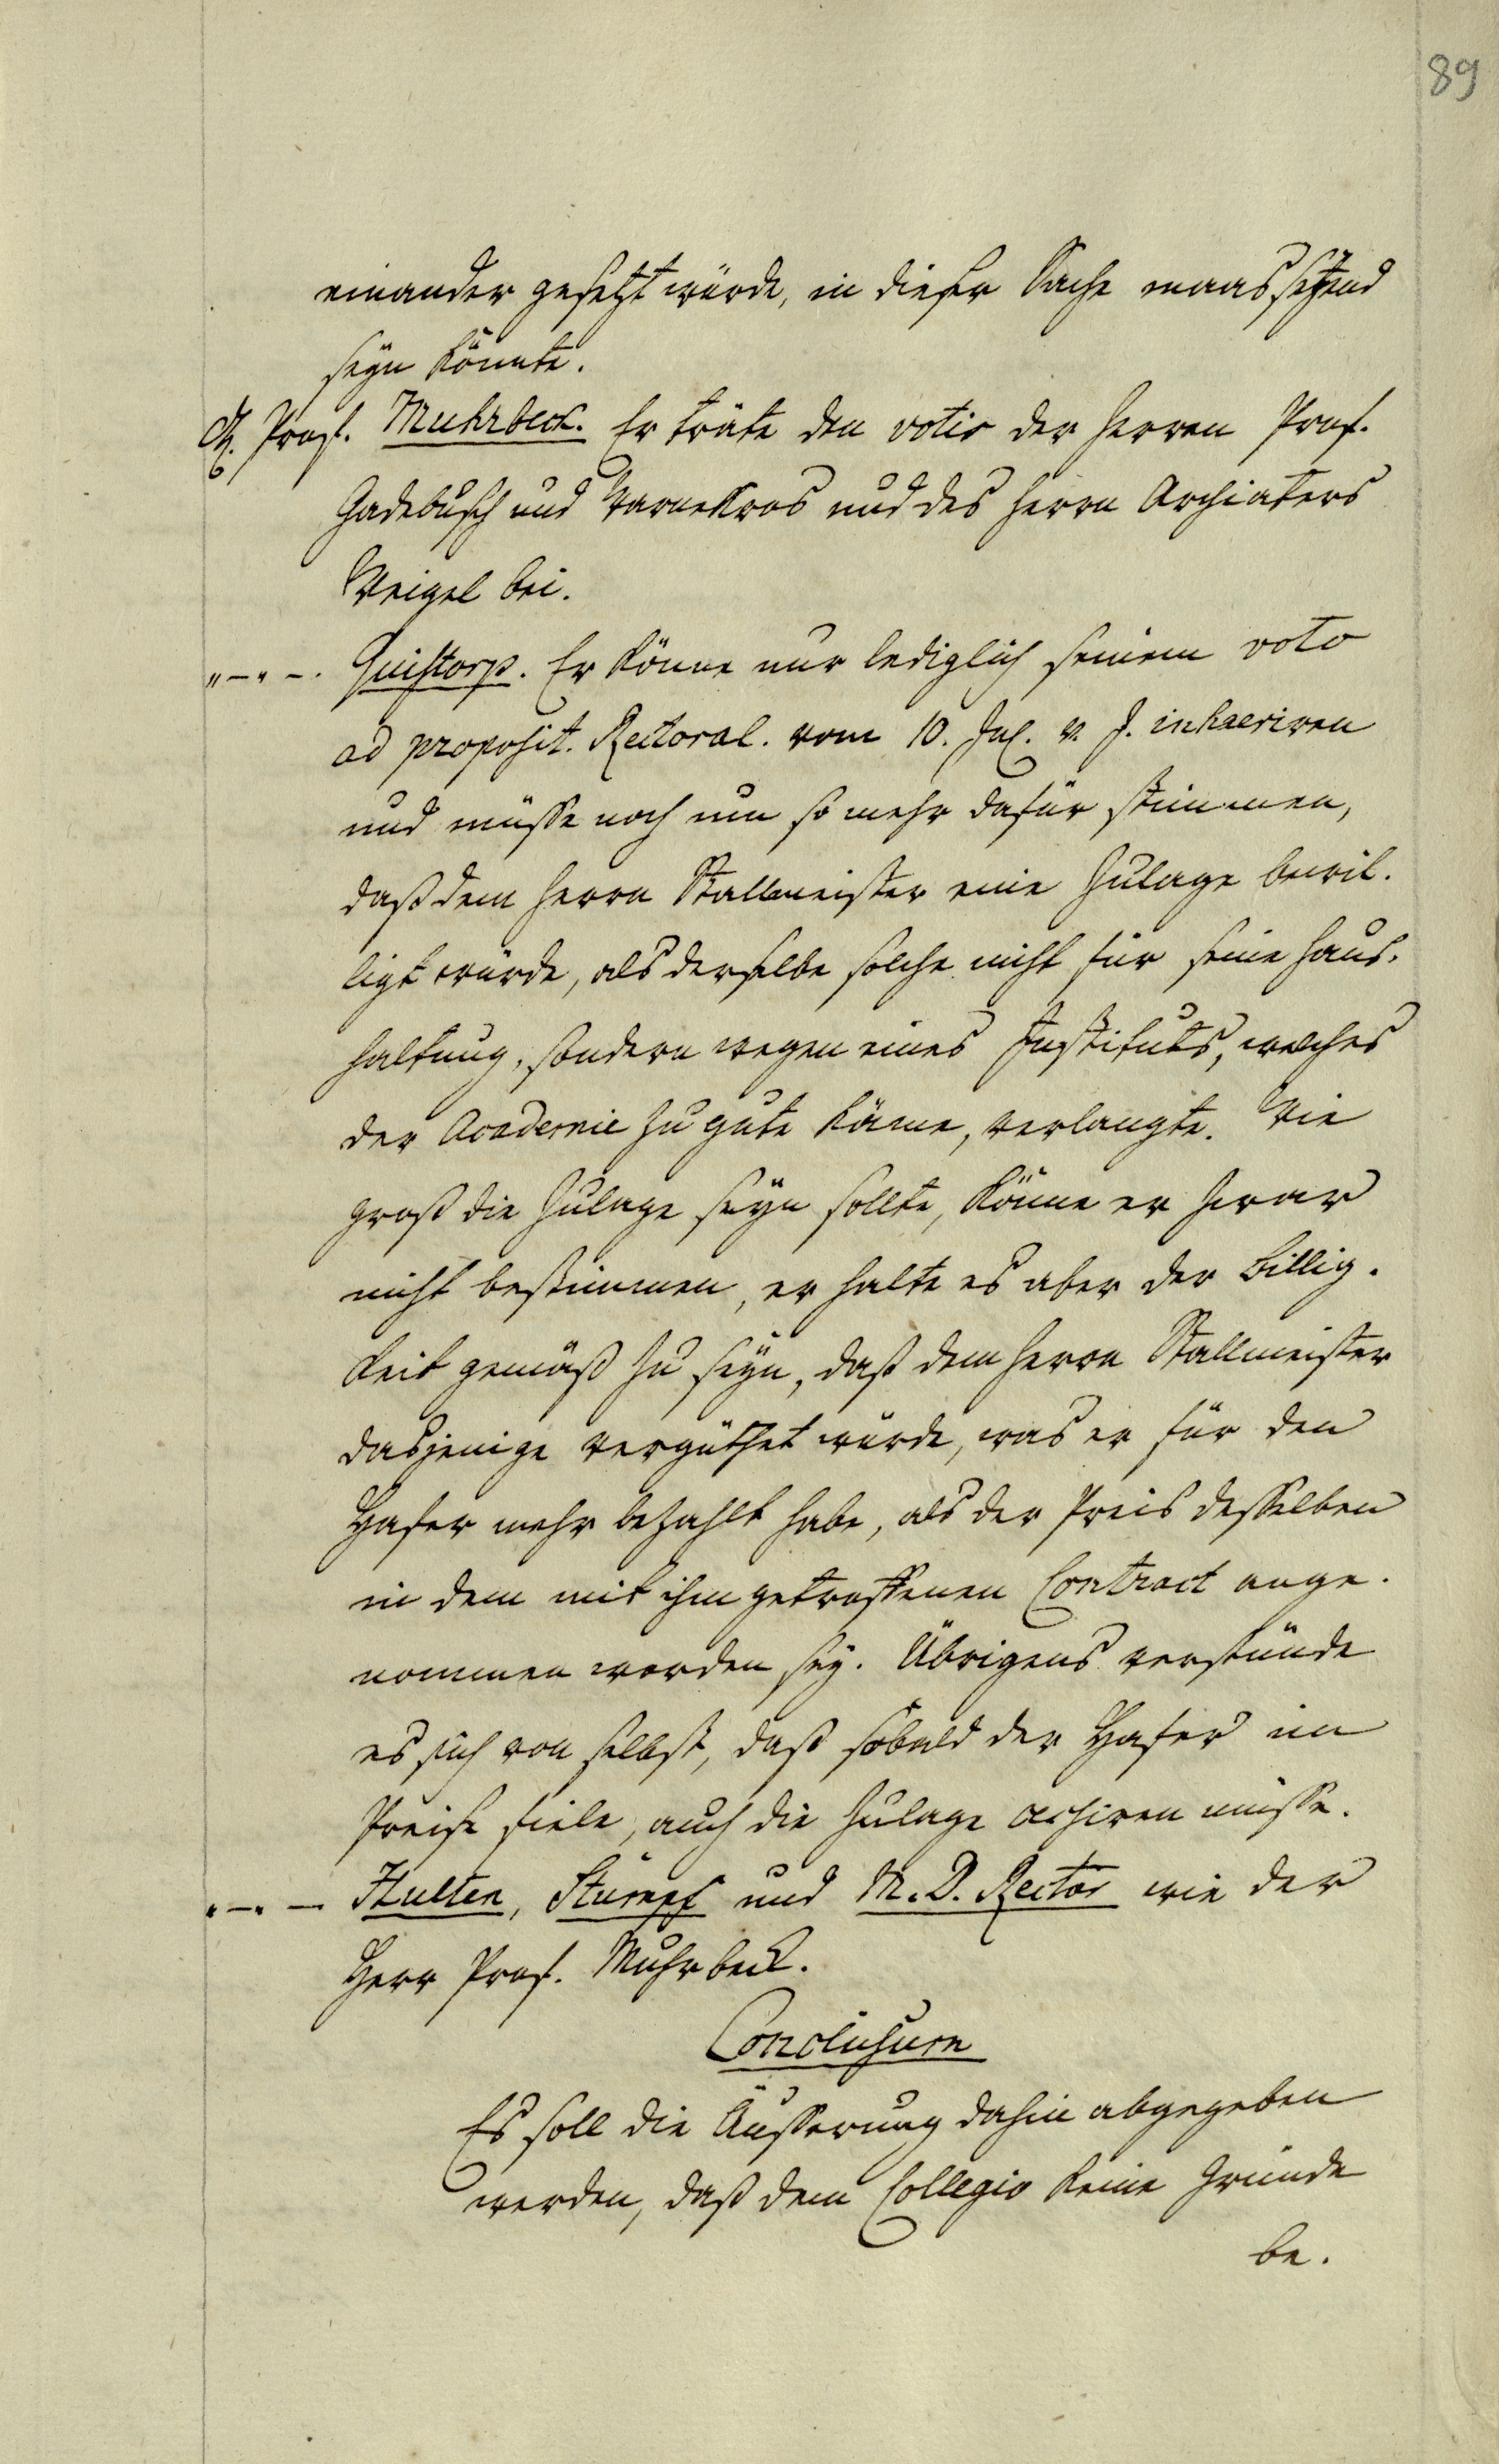einander gesetzt würde, in dieser Sache maassetzend
seÿn könnte.
dh. Prof. Muhrbeck. Er träte den votis der Herren Prof.
Gadebusch und Warnekros und des Herrn Archiaters
Weigel bei.
Quistorp. Er könne nur lediglich seinem voto
ad proposit. Rectorat. vom 10. Jul. v. J. inhaeriren
und müsse noch um so mehr dafür stimmen,
daß dem Herrn Stallmeister eine Zulage bewil¬
ligt würde, als derselbe solche nicht für seine Haus¬
haltung, sondern wegen eines Instituts, welches
der Academie zu gute käme, verlangte. Wie
groß die Zulage seÿn sollte, könne er zwar
nicht bestimmen, er halte es aber der Billig¬
keit gemäß zu seÿn, daß dem Herrn Stallmeister
dasjenige vergüthet würde, was er für den
Hafer mehr bezahlt habe, als der Preis desselben
in dem mit ihm getroffenen Contract ange¬
nommen worden seÿ. Übrigens verstünde
es sich von selbst, daß sobald der Hafer im
Preise viele, auch die Zulage cessiren müsse.
Hulten, Stumpf. und M. D. Rector wie der
Herr Prof. Muhrbeck.
Conclusum
Es soll die Äusserung dahin abgegeben
werden, daß dem Collegio keine Gründe
be¬